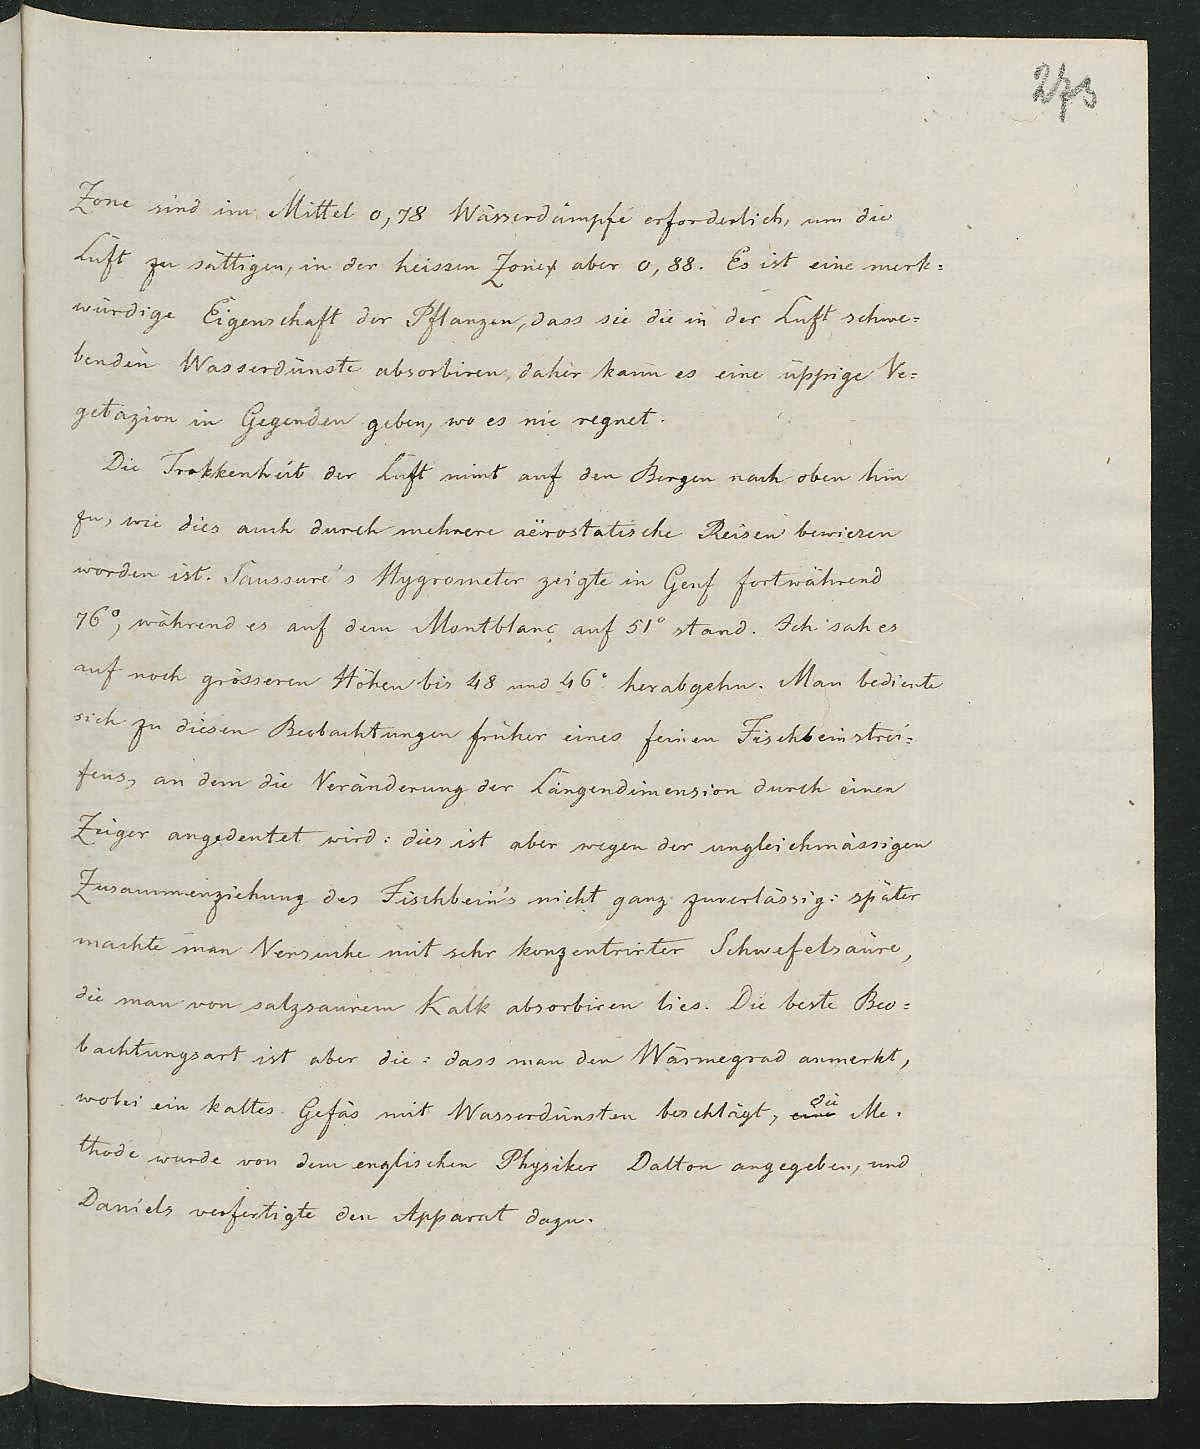Zone sind im Mittel 0,78 Wässerdämpfe erforderlich, um die
Luft zu sättigen, in der heissen Zonen aber 0,88. Es ist eine merk-
würdige Eigenschaft der Pflanzen, dass sie die in der Luft schwe-
benden Wasserdünste absorbiren, daher kann es eine üppige Ve-
getazion in Gegenden geben, wo es nie regnet.
Die Trokkenheit der Luft nimt auf den Bergen nach oben hin
zu, wie dies auch durch mehrere aërostatische Reisen bewiesen
worden ist. Saussure's Hygrometer zeigte in Genf fortwährend
76°, während es auf dem Montblanc auf 51° stand. Ich sah es
auf noch grösseren Höhen bis 48 und 46° herabgehn. Man bediente
sich zu diesen Beobachtungen früher eines feinen Fischbeinstrei-
fens, an dem die Veränderung der Längendimension durch einen
Zeiger angedeutet wird: dies ist aber wegen der ungleichmässigen
Zusammenziehung des Fischbein's nicht ganz zuverlässig: später
machte man Versuche mit sehr konzentrirter Schwefelsäure,
die man von salzsaurem Kalk absorbiren lies. Die beste Beo-
bachtungsart ist aber die: dass man den Wärmegrad anmerkt,
wobei ein kaltes Gefäs mit Wasserdünsten beschlägt, einedie Me-
thode wurde von dem englischen Physiker Dalton angegeben, und
Daniels verfertigte den Apparat dazu.
erhizt,